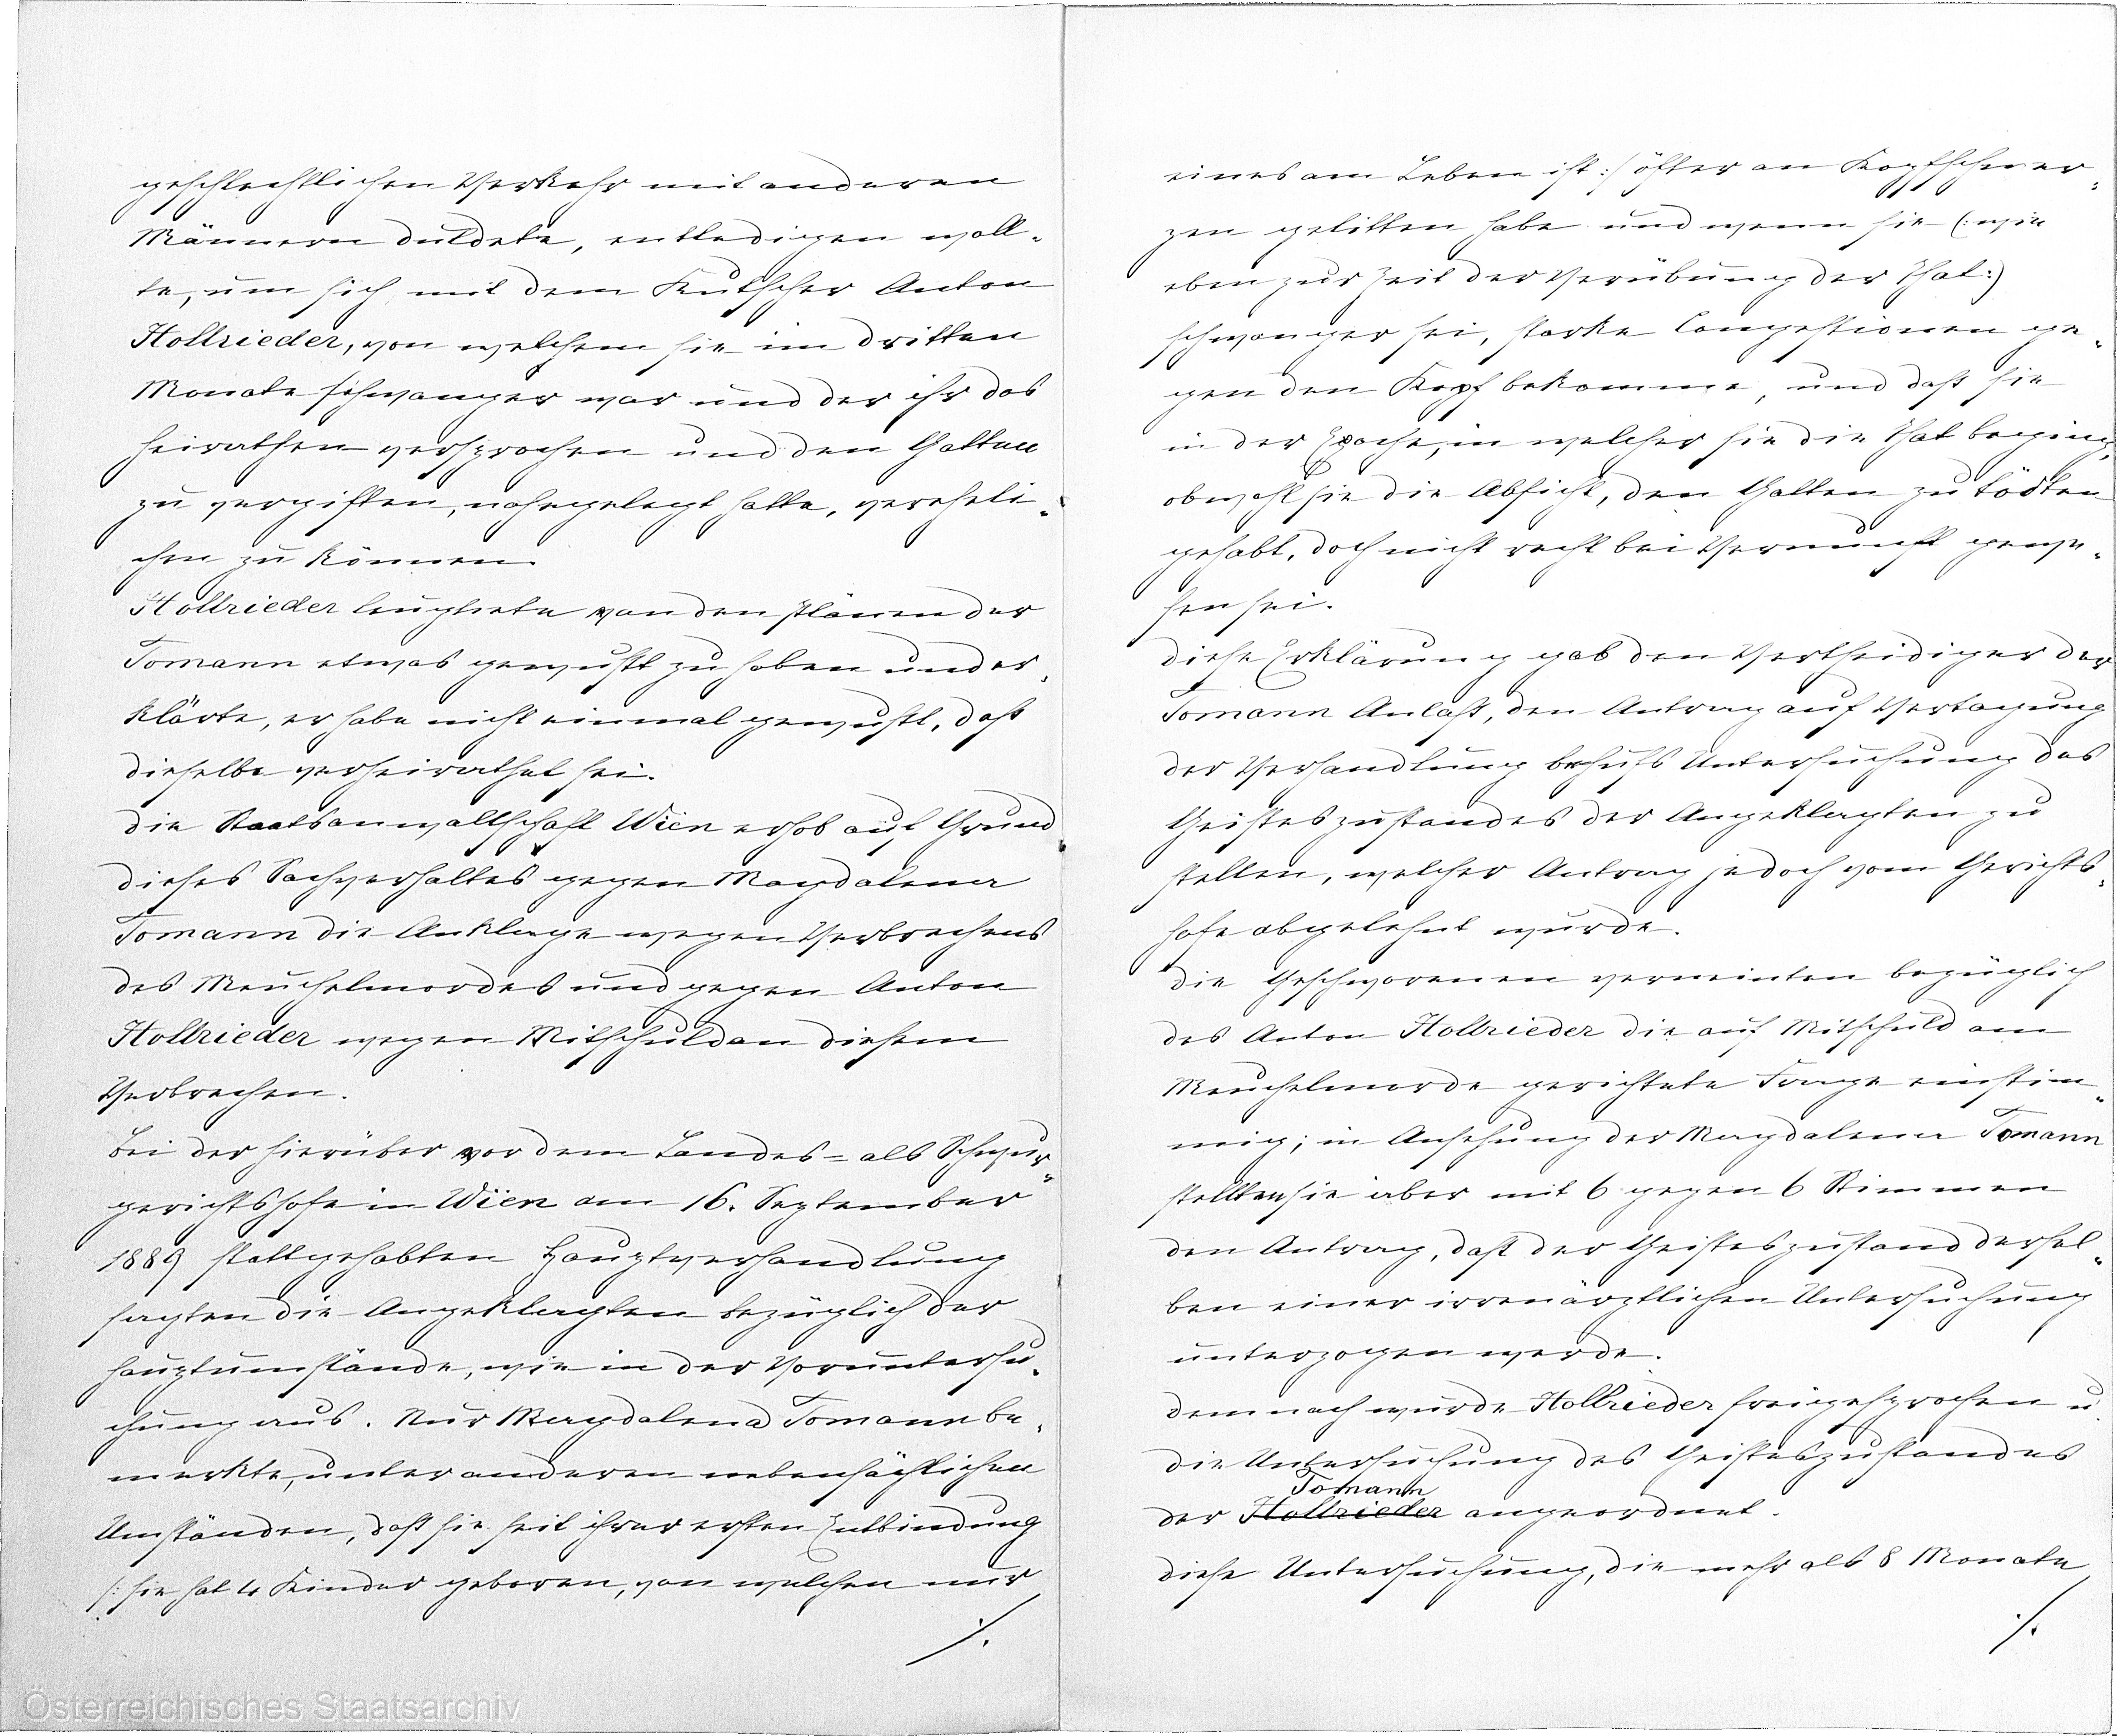geschlechtlichen Verkehr mit anderen
Männern duldete, entledigen woll¬
te, um sich mit dem Kutscher Anton
Hollrieder, von welchem sie im dritten
Monateschwanger war und der ihr das
heirathen versprochen und den Gattaxx
zu vergiften, nahegelegt hatte, vereheli¬
chen zu können.
Hollrieder Augxxte von den Plänen der
Tomann etwas gewußt zu haben und er¬
klärte, er habe nicht einmal gewußt, daß
dieselbe verheirathet sei.
Die Staatsanwaltschaft Wien erhob auf Grund
dieses Sachverhaltes gegen Magdalena
Tomann die Anklage wegen Verbrechens
des Meuchelmordes und gegen Anton
Hollrieder wegen Mitschulden diesem
Verbrechen.
Bei der hierüber vor dem Landes-als Schwur
gerichtshofe in Wien am 16. September
1889 stattgehabten Hauptverhandlung
sagten die Angeklagten bezüglich der
Hauptumstände, wie in der Voruntersu¬
chung aus. Nur Magdalena Tomann be¬
merkte, unter anderen nebensächlichen
Umständen, daß sie seit ihrer ersten Entbindung
/:sie hat 4 Kinder geboren, von welchen nur
eines am Leben ist:/ öfter an Kopfschwer¬
zen gelitten habe und wenn sie (:wie
eben zur Zeit der Verübung der That:)
schwanger sei, starke Congestionen ge¬
gen den Kopf bekomme, und daß sie
in der Epoche, in welcher sie die That beging,
obwohl sie die Absicht, den Gatten zu tödten¬
gehabt, doch nicht recht bei Vernunft gewe¬
sen sei.
Diese Erklärung gab den Vertheidiger der
Tomann Anlaß, den Antrag auf Vertagung
der Verhandlung behufs Untersuchung des
Geisteszustandes der Angeklagten zu
stellen, welcher Antrag jedoch vom Gerichts¬
hofe abgelehnt wurde.
Die Geschworenen verminten bezüglich
des Anton Hollrieder die auf Mitschuld am
Meuchelmorde gerichtete Frage einstim¬
mig; in Ansehung der Magdalen Tomann
stellten sie aber mit 6 gegen 6 Stimmen
den Antrag, daß der Geisteszustand dersel¬
ben einer irrenärztlichen Untersuchung
unterzogen werde.
Dem nach wurde Hollrieder freigesprochen u.
die Untersuchung des Geisteszustandes
Tomann
der angeordnet.
Diese Untersuchung, die mehr als 8 Monate